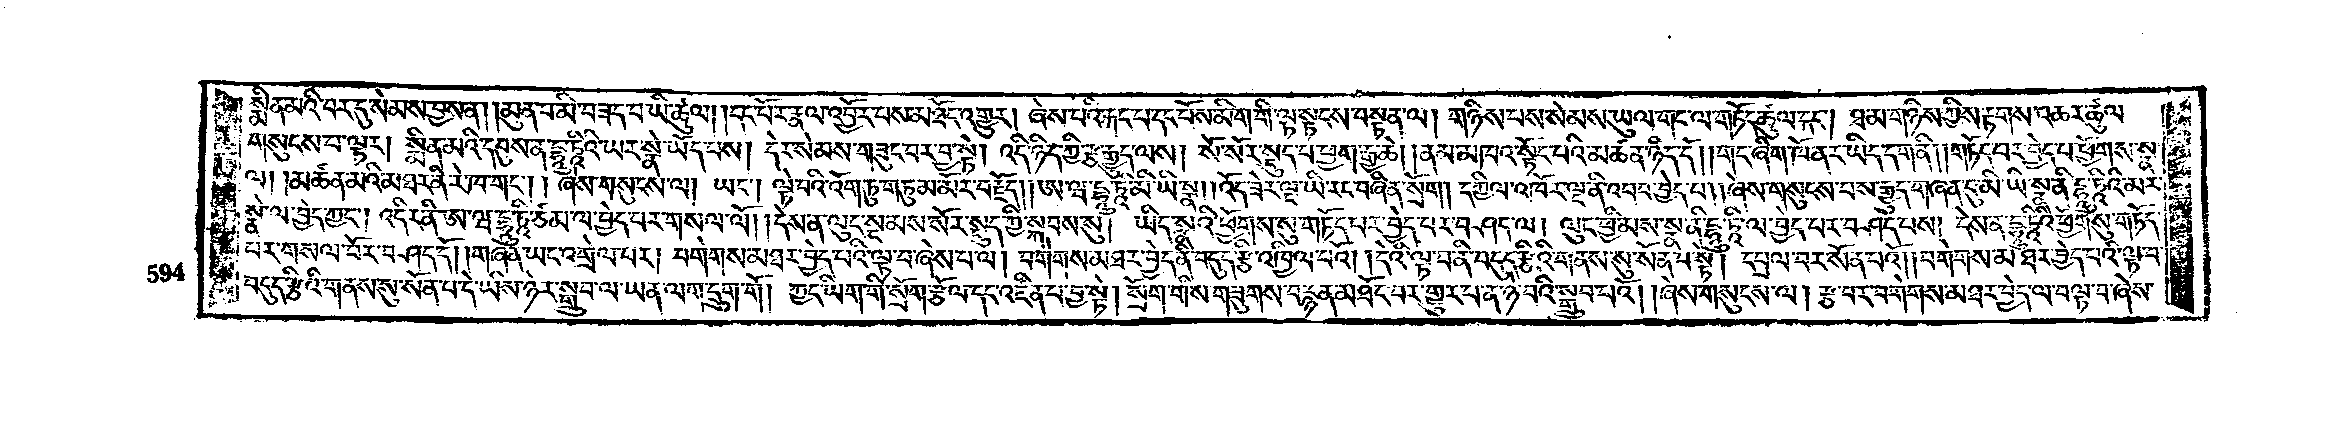སྨིན་མའི་བར་དུ་སེམས་བྱས་ན། །མུན་པ་མི་བཟད་པ་ཡི་ཚུལ། །དང་པོར་རྣལ་འབྱོར་པས་མཐོང་འགྱུར། ཞེས་པའི་རྐང་པ་དང་པོས་མིག་གི་ལྟ་སྟངས་བསྟན་ལ། གཉིས་པས་སེམས་ཡུལ་གང་ལ་གཏོད་ཚུལ་དང་། ཐ་མ་གཉིས་ཀྱིས་རྟགས་འཆར་ཚུལ་
གསུངས་པ་ལྟར། སྨིན་མའི་དབུས་ན་དྷཱུ་ཏཱིའི་ཡར་སྣེ་ཡོད་པས། དེར་སེམས་གཟུང་བར་བྱ་སྟེ། འདི་ཉིད་ཀྱི་རྩ་རྒྱུད་ལས། སོ་སོར་སྡུད་པ་ཕྱག་རྒྱ་ཆེ། །ནམ་མཁའ་སྟོང་པའི་མཚན་ཉིད་དོ། །གང་ཞིག་ཁོ་ནར་ཡིད་དག་ནི། །གཏོད་པར་བྱེད་པ་ཕྱོགས་སྣ་
ལ། །མཚན་མའི་མཐར་ནི་རེ་ཁ་གང་། །ཞེས་གསུངས་ལ། ཡང་། ལྟེ་བའི་འོག་ཏུ་གཏུམ་མོར་བརྗོད། །ཨ་ཝ་དྷཱུ་ཏཱི་མི་ཡི་སྣ། །འོད་ཟེར་ལྔ་ཡི་རང་བཞིན་སྲོག །དཀྱིལ་འཁོར་ལྔ་ནི་འབབ་བྱེད་པ། །ཞེས་གསུངས་པས་རྒྱུད་གཞན་དུ་མི་ཡི་སྣ་ནི་དྷཱུ་ཏཱིའི་མར་
སྣེ་ལ་བྱེད་ཀྱང་། འདིར་ནི་ཨ་ཝ་དྷཱུ་ཏཱི་ཙམ་ལ་བྱེད་པར་གསལ་ལོ། །དེས་ན་ལུང་སྔ་མས་སོར་སྡུད་ཀྱི་སྐབས་སུ། ཡིད་སྣའི་ཕྱོགས་སུ་གཏོད་པར་བྱེད་པར་བཤད་ལ། ལུང་ཕྱི་མས་སྣ་ནི་དྷཱུ་ཏཱི་ལ་བྱེད་པར་བཤད་པས། དེས་ན་དྷཱུ་ཏཱིའི་ཕྱོགས་སུ་གཏོད་
པར་གསལ་པོར་བཤད་དོ། །གཞན་ཡང་འགྲེལ་པར། བགེགས་མཐར་བྱེད་པའི་ལྟ་བ་ཞེས་པ་ལ། བགེགས་མཐར་བྱེད་ནི་བདུད་རྩི་འཁྱིལ་པའོ། །དེའི་ལྟ་བ་ནི་བདུད་རྩིའི་ནས་སུ་སོན་པ་སྟེ། དབྲལ་བར་སོན་པའོ། །བགེགས་མཐར་བྱེད་པའི་ལྟ་བ་
བདུད་རྩིའི་གནས་སུ་སོན་པ་དེ་ཡིས་ཉེར་སྒྲུབ་ལ་ཡན་ལག་དྲུག་གོ །ཀྱང་ཡིག་གི་སྲོག་རྩོལ་དང་འཛིན་པ་བྱ་སྟེ། སྲོག་གིས་གཟུགས་བརྙན་མཐོང་བར་གྱུར་པ་ན་ཉེ་བའི་སྒྲུབ་པའོ། །ཞེས་གསུངས་ལ། རྩ་བར་བགེགས་མཐར་བྱེད་ལ་བལྟ་བ་ཞེས་